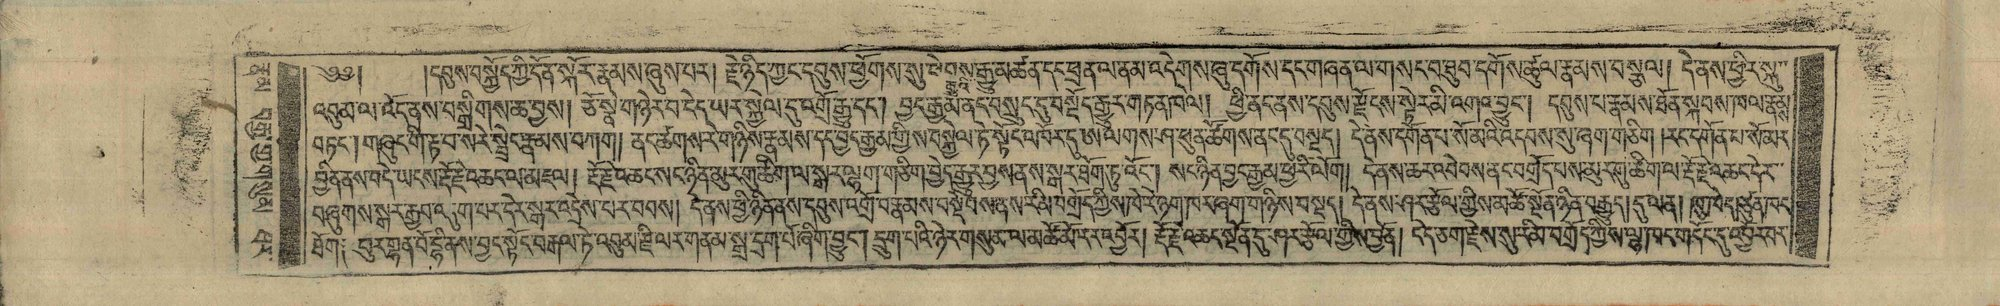༄༅། །དབུས་བསྐྱོད་ཀྱི་དོན་སྐོར་རྣམས་ཞུས་པར། རྗེ་ཉིད་ཀྱང་དབུས་ཕྱོགས་སུ་ཕེབས་རྒྱུའི་རྒྱུ་མཚན་དང་ཕྲན་ལ་ནམ་འདེགས་ཞུ་དགོས་དང་གཞན་ལ་གསང་བ་ཐུབ་དགོས་ཚུལ་རྣམས་བསྩལ། དེ་ནས་ཕྱིར་སྐུ་
འབུམ་ལ་འོང་ནས་བསྒྲིགས་ཆ་བྱས། ཅོ་སྣེ་གཉེར་བ་ངེད་ཡར་སྐྱེལ་དུ་འགྲོ་རྒྱུ་དང་། བྱང་རྒྱམ་ནང་བསྲུང་དུ་བསྡོད་རྒྱུར་གཏན་ཁེལ། ཕྱི་ནང་ནས་དབུས་རྫོངས་སྟེར་མི་འགའ་བྱུང་། དབུས་པ་རྣམས་ཐོན་སྐབས་ཁལ་རྣམས་
བཏང་། གཞུང་གི་རྟ་བ་སེར་སྦྲེང་རྣམས་བཀག །ནང་ཚགས་རེ་གཉིས་རྣམས་དང་བྱང་རྒྱམ་གྱིས་བསྐྱེལ་ཏེ་སྟོང་འཁོར་དུ་ཨ་ལགས་ཤ་ཕུན་ཚོགས་ནང་དུ་བསྡད། དེ་ནས་དགོན་པ་སོ་མའི་འདབས་སུ་ཞག་གཅིག །རང་དགོན་པ་སོ་མར་
བྱིན་ནས་བདེ་ཡངས་རྡོ་རྗེ་འཆང་ལ་མཇལ། རྡོ་རྗེ་འཆང་སང་ཉིན་མུར་གུ་ཚིག་ལ་སྒར་ལྷག་གཅིག་བྱེད་རྒྱུར་བྱས་ནས་སྒར་ཐོག་ཏུ་འོང་། སང་ཉིན་བྱང་རྒྱབ་ཕྱིར་ལོག །དེ་ནས་ཆར་འབེབས་ནང་བགྲོད་པས་མུར་གུ་ཚིག་ལ་རྡོ་རྗེ་འཆང་དེར་
བཞུགས་སྒར་རྒྱབ་འདུག་པར་དེར་སྒར་འདྲེས་པར་བབས། དེ་ནས་ཕྱི་ཉིན་ནས་དབུས་འགྲོ་བ་རྣམས་བསྡེབས་ནས་རིམ་བགྲོད་ཀྱིས་ཁེ་རེ་ཉག་ཁར་ཞག་གཉིས་བསྡད། དེ་ནས་ཤར་རྩོལ་གྱིས་མཚོ་སྔོན་ཉིན་བརྒྱུད། དུ་ལན། ཁུ་ཁེད། ཙུན་ཁང་
ཐོག ༑བུར་གྷན་བོ་དྷི་ནས་བྱང་སྟོང་བརྒལ་ཏེ་འབུམ་རྫི་ལར་གནམ་སྒྲ་དྲག་པོ་ཞིག་བྱུང་། དྲུག་པའི་ཉེར་གསུམ་ལ་མཚོ་མོ་རར་འབྱོར། རྡོ་རྗེ་འཆང་སྔོན་དུ་ཤར་རྩོལ་གྱིས་བྱོན། ངེད་ཅག་རྗེས་སུ་རིམ་བགྲོད་ཀྱིས་ལྷ་ཁང་གདོང་དུ་འབྱོར་བར་